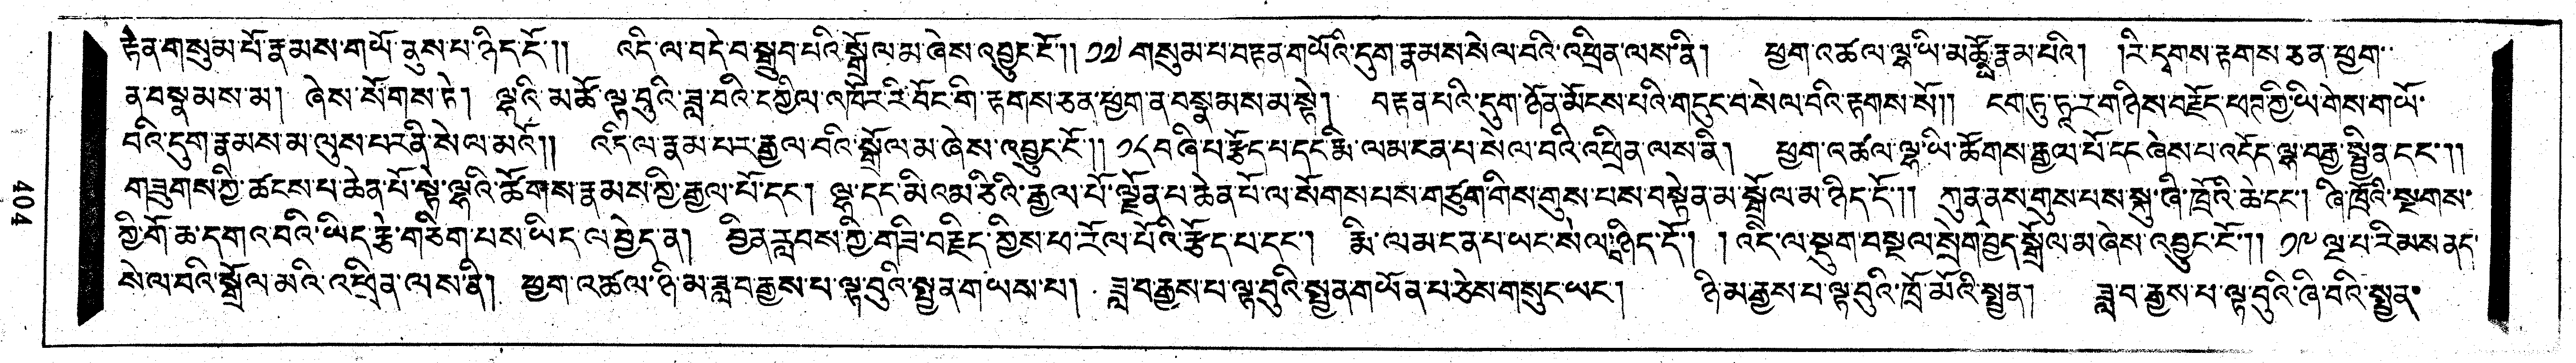རྟེན་གསུམ་པོ་རྣམས་གཡོ་ནུས་པ་ཉིད་དོ།། འདི་ལ་བདེ་བ་སྒྲུབ་པའི་སྒྲོལ་མ་ཞེས་འབྱུང་ངོ།། ༡༧་གསུམ་པ་བརྟན་གཡོའི་དུག་རྣམས་སེལ་བའི་འཕྲིན་ལས་ནི། ཕྱག་འཚལ་ལྷ་ཡི་མཚོ་ཡི་རྣམ་པའི། །རི་དྭགས་རྟགས་ཅན་ཕྱག་
ན་བསྣམས་མ། ཞེས་སོགས་ཏེ། ལྷའི་མཚོ་ལྟ་བུའི་ཟླ་བའི་དཀྱིལ་འཁོར་རི་བོང་གི་རྟགས་ཅན་ཕྱག་ན་བསྣམས་མ་སྟེ། བརྟན་པའི་དུག་ཉོན་མོངས་པའི་གདུང་བ་སེལ་བའི་རྟགས་སོ།། ངག་ཏུ་ཏཱ་ར་གཉིས་བརྗོད་ཕཊ་ཀྱི་ཡི་གེས་གཡོ་
བའི་དུག་རྣམས་མ་ལུས་པར་ནི་སེལ་མའོ།། འདི་ལ་རྣམ་པར་རྒྱལ་བའི་སྒྲོལ་མ་ཞེས་འབྱུང་ངོ།། ༡༨་བཞི་པ་རྩོད་པ་དང་རྨི་ལམ་ངན་པ་སེལ་བའི་འཕྲིན་ལས་ནི། ཕྱག་འཚལ་ལྷ་ཡི་ཚོགས་རྒྱལ་པོ་དང་ཞེས་པ་འདོད་ལྷ་བརྒྱ་སྦྱིན་དང།།
གཟུགས་ཀྱི་ཚངས་པ་ཆེན་པོ་སྟེ་ལྷའི་ཚོགས་རྣམས་ཀྱི་རྒྱལ་པོ་དང་། ལྷ་དང་མིའམ་ཅིའི་རྒྱལ་པོ་ལྗོན་པ་ཆེན་པོ་ལ་སོགས་པས་གཙུག་གིས་གུས་པས་བསྟེན་མ་སྒྲོལ་མ་ཉིད་དོ།། ཀུན་ནས་གུས་པས་སྐུ་ཞི་ཁྲོའི་ཆེ་དང་། ཞི་ཁྲོའི་སྔགས་
ཀྱི་གོ་ཆ་དགའ་བའི་ཡིད་རྩེ་གཅིག་པས་ཡིད་ལ་བྱེད་ན། བྱིན་རླབས་ཀྱི་གཟི་བརྗིད་ཀྱིས་ཕ་རོལ་པོའི་རྩོད་པ་དང་། རྨི་ལམ་ངན་པ་ཡང་སེལ་བ་ཉིད་དོ། །འདི་ལ་སྡུག་བསྔལ་སྲེག་བྱེད་སྒྲོལ་མ་ཞེས་འབྱུང་ངོ།། ༡༩་ལྔ་པ་རིམས་ནད་
སེལ་བའི་སྒྲོལ་མའི་འཕྲིན་ལས་ནི། ཕྱག་འཚལ་ཉི་མ་ཟླ་བ་རྒྱས་པ་ལྟ་བུའི་སྤྱན་གཡས་པ། ཟླ་བ་རྒྱས་པ་ལྟ་བུའི་སྤྱན་གཡོན་པ་ཅེས་གསུང་ཡང་། ཉི་མ་རྒྱས་པ་ལྟ་བུའི་ཁྲོ་མོའི་སྤྱན། ཟླ་བ་རྒྱས་པ་ལྟ་བུའི་ཞི་བའི་སྤྱན་